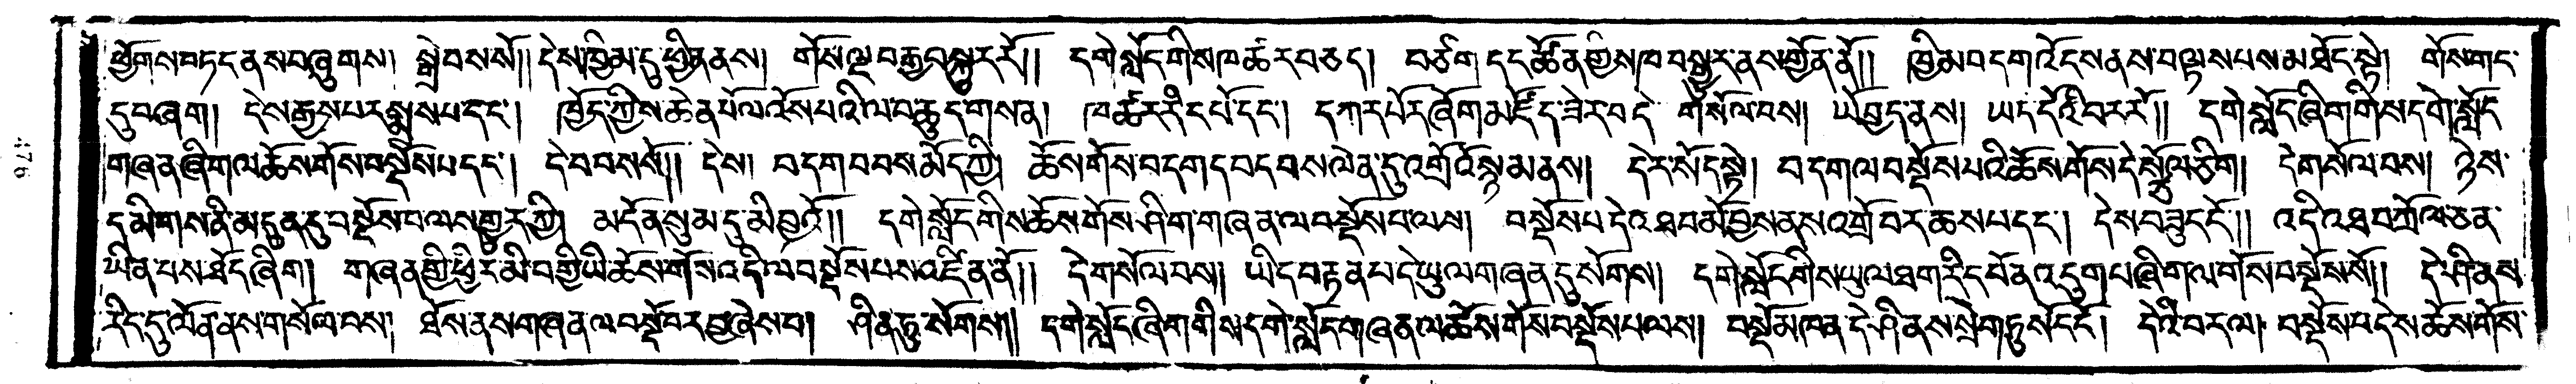ཕྱོགས་བཏང་ནས་བཞུགས། སྒྲེབས་སོ།། དེས་ཁྱིམ་དུ་ཕྱིན་ནས། གོས་ལྔ་བརྒྱ་བསྐུར་རོ།། དགེ་སློང་གིས་ཁ་ཚར་བཅད། བཙག་དང་ཚོན་གྱིས་ཁ་བསྒྱུར་ནས་གྱོན་ནོ།། ཁྱིམ་བདག་འོངས་ནས་བལྟས་པས་མཐོང་སྟེ། གོས་གང་
དུ་བཞག། དེས་རྒྱས་པར་སྨྲས་པ་དང་། ཁྱོད་ཀྱིས་ཆེན་པོ་ལའོས་པའི་ལ་བ་ཆུད་གསན། ཁ་ཚར་རིང་པོ་དང་། དཀར་པོར་ཞོག་མཛོད་ཟེར་བ་དེ་གསོལ་བས། ཡོ་བྱད་ནས། ཡང་དོའི་བར་རོ།། དགེ་སློང་ཞིག་གིས་དགེ་སློང་
གཞན་ཞིག་ལ་ཆོས་གོས་བསྔོས་པ་དང་། དེ་བབས་སོ།། དེས། བདག་བབས་མོད་ཀྱི། ཆོས་གོས་བདག་དབང་བས་ལེན་དུ་འགྲོའོ་སྙམ་ནས། དེར་སོང་སྟེ། བདག་ལ་བསྔོས་པའི་ཆོས་གོས་དེ་སྩོལ་ཅིག། དེ་གསོལ་བས། ཉེས་
དམིགས་ནི་མདུན་དུ་བསྔོ་བ་ལས་གྱུར་ཀྱི། མངོན་སུམ་དུ་མི་བྱའོ།། དགེ་སློང་གིས་ཆོས་གོས་ཤིག་གཞན་ལ་བསྡོས་པ་ལས། བསྡོས་པ་དེ་འཐབ་མོ་བྱས་ནས་འགྲོ་བར་ཆས་པ་དང་། དེས་བཟུང་ངོ།། འདི་འཐབ་ཀྲོལ་ཅན་
ཡིན་པས་ཐོད་ཞིག། གཞན་གྱི་ཕྱིར་མི་བགྱི་ཡི་ཆོས་གོས་འདི་ལ་བསྔོས་པས་འཛིན་ནོ།། དེ་གསོལ་བས། ཡིད་བརྟན་པ་དེ་ཡུལ་གཞན་དུ་སོགས། དགེ་སློང་གིས་ཡུལ་ཐག་རིང་པོ་ན་འདུག་པ་ཞིག་ལ་གོས་བསྔོས་སོ།། དེ་ཤི་ནས་
རིང་དུ་ལོན་ནས་གསོལ་བས། ཐོས་ནས་གཞན་ལ་བསྔོ་བར་བྱ་ཞེས་པ། ཤིན་ཏུ་སོགས།། དགེ་སློང་ཞིག་གིས་དགེ་སློང་གཞན་ལ་ཆོས་གོས་བསྔོས་པ་ལས། བསྔོ་མཁན་དེ་ཤི་ནས་སྲེག་ཏུ་སོང་ངོ། དེའི་བར་ལ། བསྔོས་པ་དེས་ཆོས་གོས་